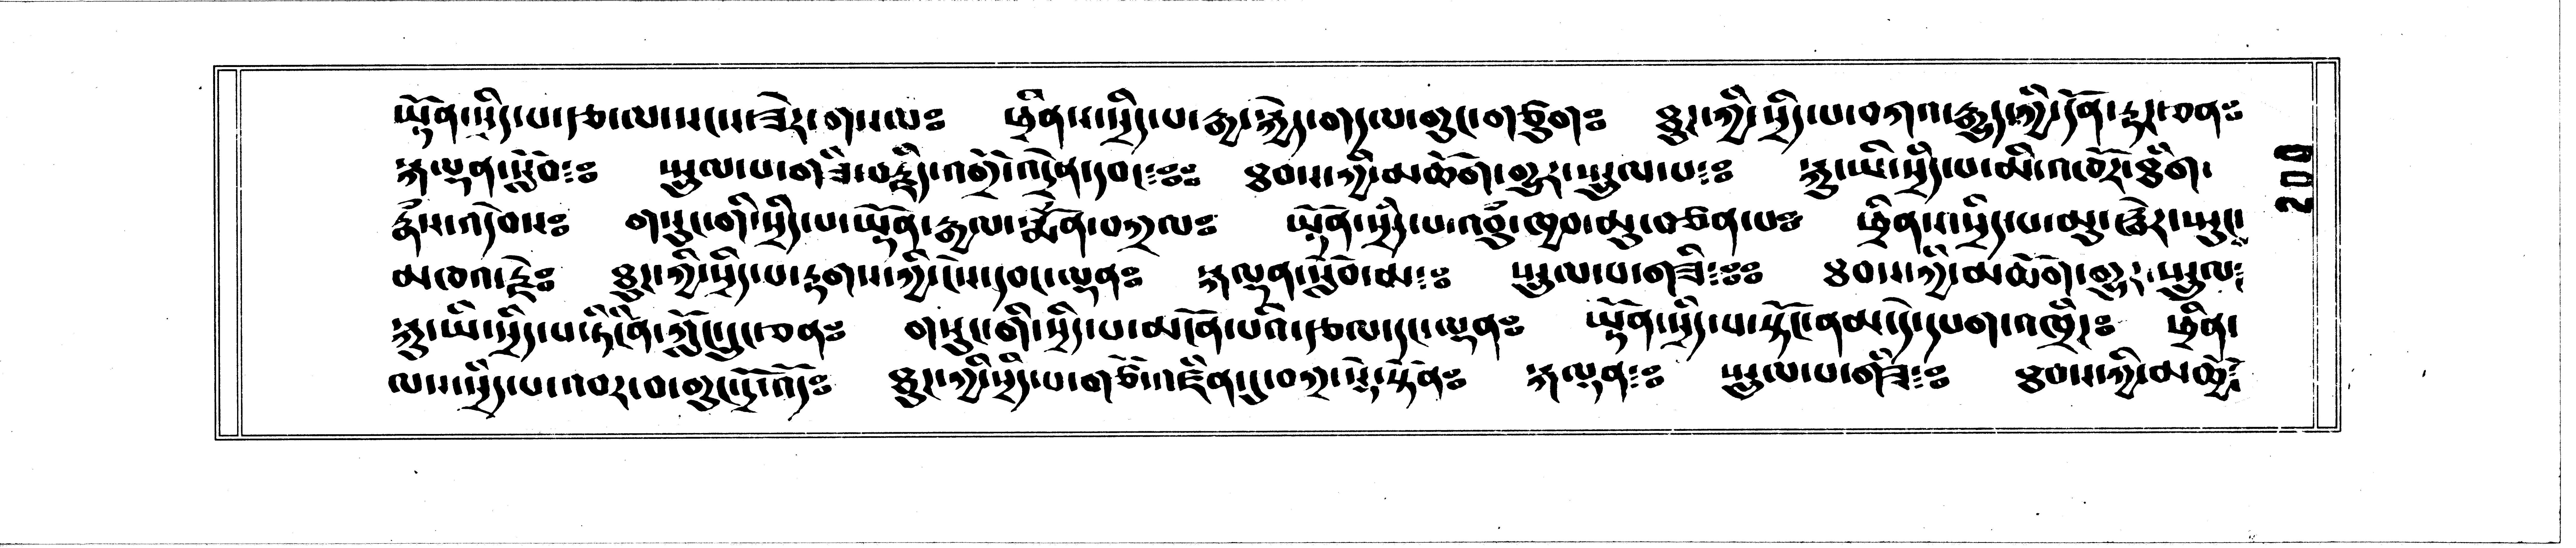ཡོན་ཏན་སྲིད་པ་རྩ་ལ་སངས་ཟེར་གསལཿ ཕྲིན་ལས་སྲིད་པ་རྒྱ་སྐྱེད་བདལ་གུང་གཙུགཿ ཐུགས་ཀྱི་སྲིད་པ་བཀའ་རྒྱུད་དོན་རྟགས་ཅནཿ 
སྐལ་ལྡན་སློབ་མ་རྣམས་ལ་དབང་བསྐུར་བསཿ སྤྲུལ་པ་གཟི་བརྗིད་འགྲོ་འདྲེན་དབང་ཐོབ་ཤོགཿ ཐབས་ཀྱི་མཆོག་གྱུར་སྤྲུལ་པ་ལས་སྲིད་པཿ སྐུ་ཡི་སྲིད་པ་མི་འཁོར་ཐིག་
རྣམས་འདེབསཿ གསུང་གི་སྲིད་པ་ཡོན་ཏན་རྒྱལ་སྨོན་ལམ་བཀྲགཿ ཡོན་ཏན་གྱི་སྲིད་པ་འབུམ་ཁྱབ་མུ་བཙན་པཿ ཕྲིན་ལས་ཀྱི་སྲིད་པ་མུ་ཝེར་སྤུངས་
མཁའ་རྗེཿ ཐུགས་ཀྱི་སྲིད་པ་རྟགས་ཀྱི་ངེས་དབང་ལྡནཿ སྐལ་ལྡན་སློབ་མ་རྣམས་ལ་དབང་བསྐུར་བསཿ སྤྲུལ་པ་གཟི་བརྗིད་འགྲོ་འདྲེན་དབང་ཐོབ་ཤོགཿ ཐབས་ཀྱི་མཆོག་གྱུར་སྤྲུལ་
 སྐུ་ཡི་སྲིད་པ་ཏིང་འཛིན་ཀློང་དྲུང་ཅནཿ གསུང་གི་སྲིད་པ་མངོན་པའི་རྩལ་དང་ལྡནཿ ཡོན་ཏན་གྱི་སྲིད་པ་སྟོང་ནམ་དེ་དཔག་ཁྲིགསཿ ཕྲིན་
ལས་ཀྱི་སྲིད་པ་འབར་བ་གུང་དྲོ་འོདཿ ཐུགས་ཀྱི་སྲིད་པ་གཙོ་འཛིན་བཀྲ་སྡེ་སྟོནཿ སྐལ་ལྡན་སློབ་མ་རྣམས་ལ་དབང་བསྐུར་བསཿ སྤྲུལ་པ་གཟི་བརྗིད་འགྲོ་འདྲེན་དབང་ཐོབ་ཤོགཿ ཐབས་ཀྱི་མཆོག་གྱུར་